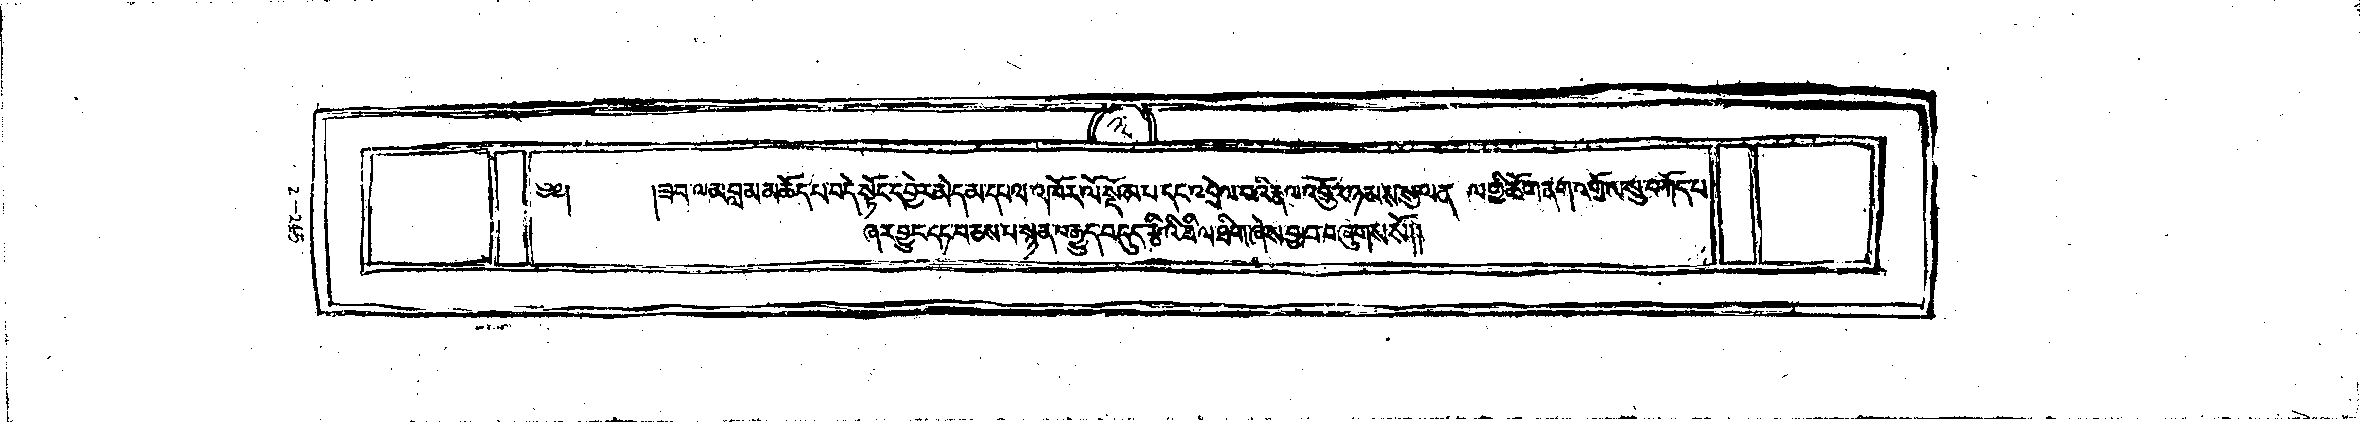༄༅། །ཟབ་ལམ་བླ་མ་མཆོད་པ་བདེ་སྟོང་དབྱེར་མེད་མ་དཔལ་འཁོར་ལོ་སྡོམ་པ་དང་འབྲེལ་བའི་རྣལ་འབྱོར་ཉམས་སུ་ལན་ལ་གྱི་ཅོག་ནག་འགྲོས་སུ་བཀོད་པ་
ཞར་བྱུང་དང་བཅས་པ་སྙན་བརྒྱུད་བདུད་རྩིའི་ཟིལ་ཐིག་ཞེས་བྱ་བ་བཞུགས་སོ།།